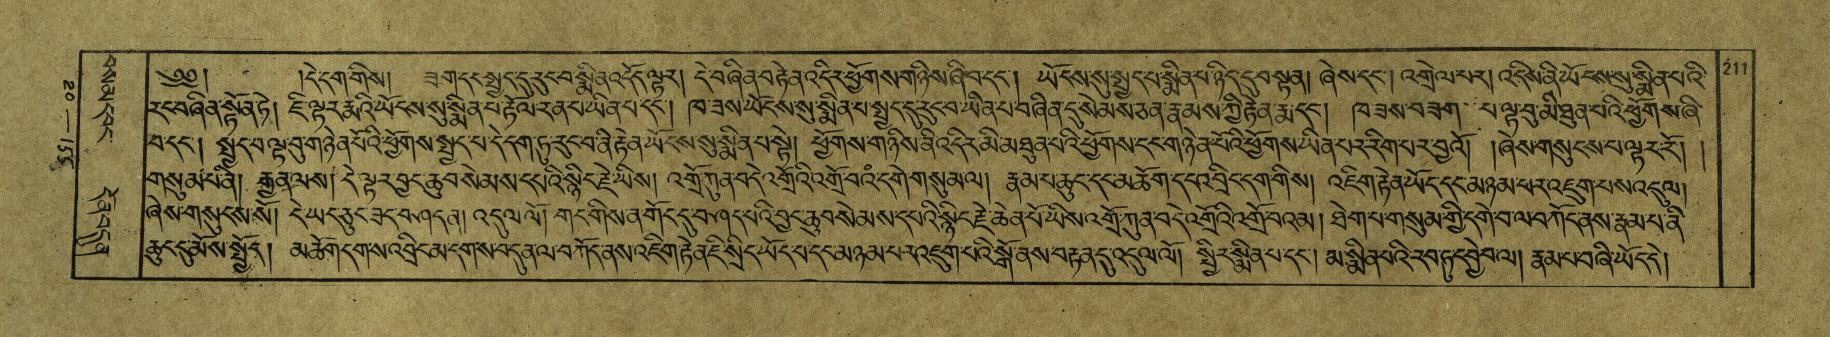༄༅། །དེ་དག་གིས། ཟག་དང་སྤྱད་དུ་རུང་བ་སྨིན་འདོད་ལྟར། དེ་བཞིན་བརྟེན་འདིར་ཕྱོགས་གཉིས་ཞི་བ་དང་། ཡོངས་སུ་སྤྱད་པ་སྨིན་པ་ཉིད་དུ་བསྟན། ཞེས་དང་། འགྲེལ་པར། འདིས་ནི་ཡོངས་སུ་སྨིན་པའི་
རང་བཞིན་སྟོན་ཏེ། ཇི་ལྟར་རྨའི་ཡོངས་སུ་སྨིན་པ་རྟོལ་རན་པ་ཡིན་པ་དང་། ཁ་ཟས་ཡོངས་སུ་སྨིན་པ་སྤྱད་དུ་རུང་བ་ཡིན་པ་བཞིན་དུ་སེམས་ཅན་རྣམས་ཀྱི་རྟེན་རྨ་དང་། ཁ་ཟས་བཟག་པ་ལྟ་བུ་མི་ཐུན་པའི་ཕྱོགས་ཞི་
བ་དང་། སྤྱད་བལྟ་བུ་གཉེན་པོའི་ཕྱོགས་སྤྱད་པ་དེ་དག་ཏུ་རུང་བ་ནི་རྟེན་ཡོངས་སུ་སྨིན་པ་སྟེ། ཕྱོགས་གཉིས་ནི་འདིར་མི་མཐུན་པའི་ཕྱོགས་དང་གཉེན་པོའི་ཕྱོགས་ཡིན་པར་རིག་པར་བྱའོ། །ཞེས་གསུངས་པ་ལྟར་རོ། །
གསུམ་པ་ནི། རྒྱན་ལས། དེ་ལྟར་བྱང་ཆུབ་སེམས་དཔའི་སྙིང་རྗེ་ཡིས། འགྲོ་ཀུན་བདེ་འགྲོའི་འགྲོ་བའཾ་དགེ་གསུམ་ལ། རྣམ་པ་ཆུང་དང་མཆོག་དང་འབྲིང་དག་གིས། འཇིག་རྟེན་ཡོད་དང་མཉམ་པར་འཇུག་པས་འདུལ།
ཞེས་གསུངས་སོ། དེ་ཡང་ཅུང་ཟད་བཤད་ན། འདུལ་ལོ། གང་གིས་ན་གོང་དུ་བཤད་པའི་བྱང་ཆུབ་སེམས་དཔའི་སྙིང་རྗེ་ཆེན་པོ་ཡིས་འགྲོ་ཀུན་བདེ་འགྲོའི་འགྲོ་བའམ། ཐེག་པ་གསུམ་གྱི་དགེ་བ་ལ་བཀོད་ནས་རྣམ་པ་ནི་
ཆུང་དུ་མོས་སྤྱོད། མཆོག་དག་ས་འབྲིང་མ་དག་ས་བདུན་ལ་བཀོད་ནས་འཇིག་རྟེན་ཇི་སྲིད་ཡོད་པ་དང་མཉམ་པར་འཇུག་པའི་སྒོ་ནས་བརྟན་དུ་འདུལ་ལོ། སྤྱིར་སྨིན་པ་དང་། མ་སྨིན་པའི་རབ་ཏུ་དབྱེ་བ་ལ། རྣམ་པ་བཞི་ཡོད་དེ།